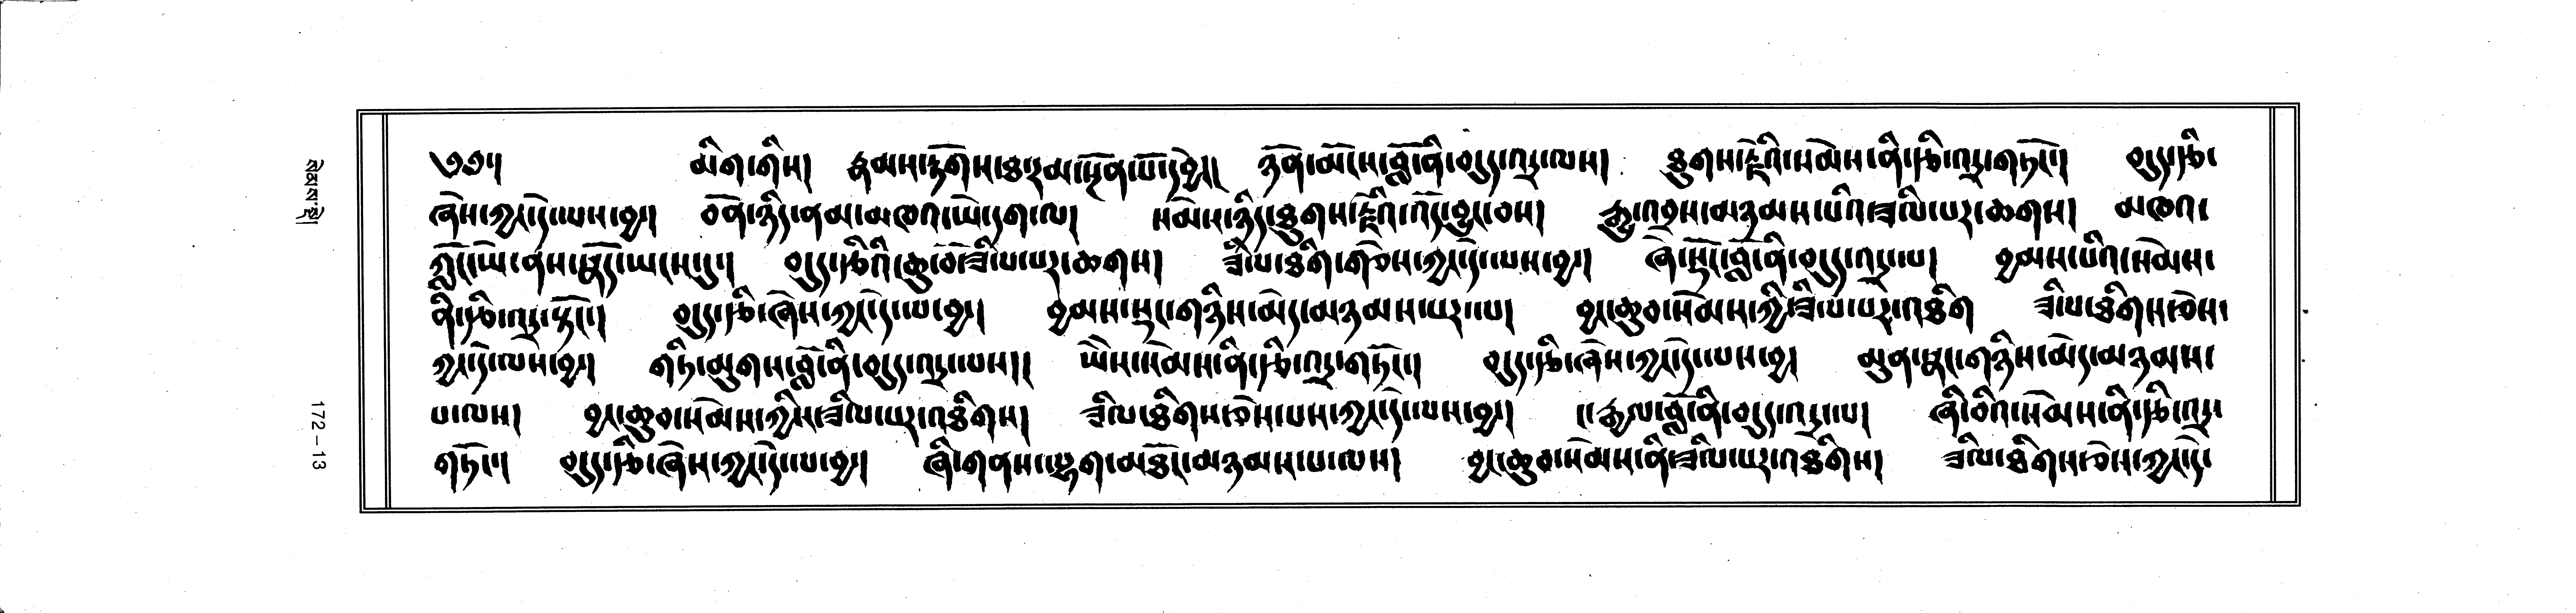མིག་གིས། རྣམ་རྟོག་ཐ་རམ་སྔོན་པོ་དབྱེ། ཉོན་མོངས་བློ་ནི་བདུད་འདྲ་ལས། ཐུགས་རྗེའི་སེམས་ནི་རྩི་འདྲ་གཏོང་། བདུད་རྩི་
ཞེས་ཀྱང་དེ་ལས་བྱ། བོན་ཉིད་ནམ་མཁའ་ཡེ་དག་ལ། སེམས་ཉིད་ཐུགས་རྗེའི་འོད་བྱུང་བས། རྒྱུ་འབྲས་མཉམས་པའི་ཟིལ་པར་ཆགས། མཁའ་
ཀློང་ཡེ་ནས་སྣོད་ཡངས་དུ། བདུད་རྩིའི་ཆུ་བོ་ཟིལ་པར་ཆགས། ཟིལ་ཐིག་ཅེས་ཀྱང་དེ་ལས་བྱ། ཞེ་སྡང་བློ་ནི་བདུད་འདྲ་ལ། བྱམས་པའི་སེམས་
ནི་རྩི་འདྲ་སྟོང་། བདུད་རྩི་ཞེས་ཀྱང་དེ་ལས་བྱ། བྱམས་སྡང་གཉིས་མེད་མཉམ་པར་ལ། བྱང་ཆུབ་སེམས་གྱི་ཟིལ་པར་འཐིག ཟིལ་ཐིགས་ཅེས་
ཀྱང་དེ་ལས་བྱ། གཏི་མུག་བློ་ནི་བདུད་འདྲ་ལ། ཡེ་ཤེས་སེམས་ནི་རྩི་འདྲ་གཏོང་། བདུད་རྩི་ཞེས་ཀྱང་དེ་ལས་བྱ། མུན་སྣང་གཉིས་མེད་མཉམས་
པ་ལས། བྱང་ཆུབ་སེམས་ཀྱིས་ཟིལ་པར་འཐིགས། ཟིལ་ཐིགས་ཅེས་ཀྱང་དེ་ལ་བྱ། ང་རྒྱལ་བློ་ནི་བདུད་འདྲ་ལ། ཞི་བའི་སེམས་ནི་རྩི་འདྲ་
གཏོང་། བདུད་རྩི་ཞེས་ཀྱང་དེ་ལ་བྱ། ཞི་གནས་ལྷག་མཐོང་མཉམ་པ་ལས། བྱང་ཆུབ་སེམས་ནི་ཟིལ་པར་འཐིགས། ཟིལ་ཐིགས་ཅེས་ཀྱང་དེ་